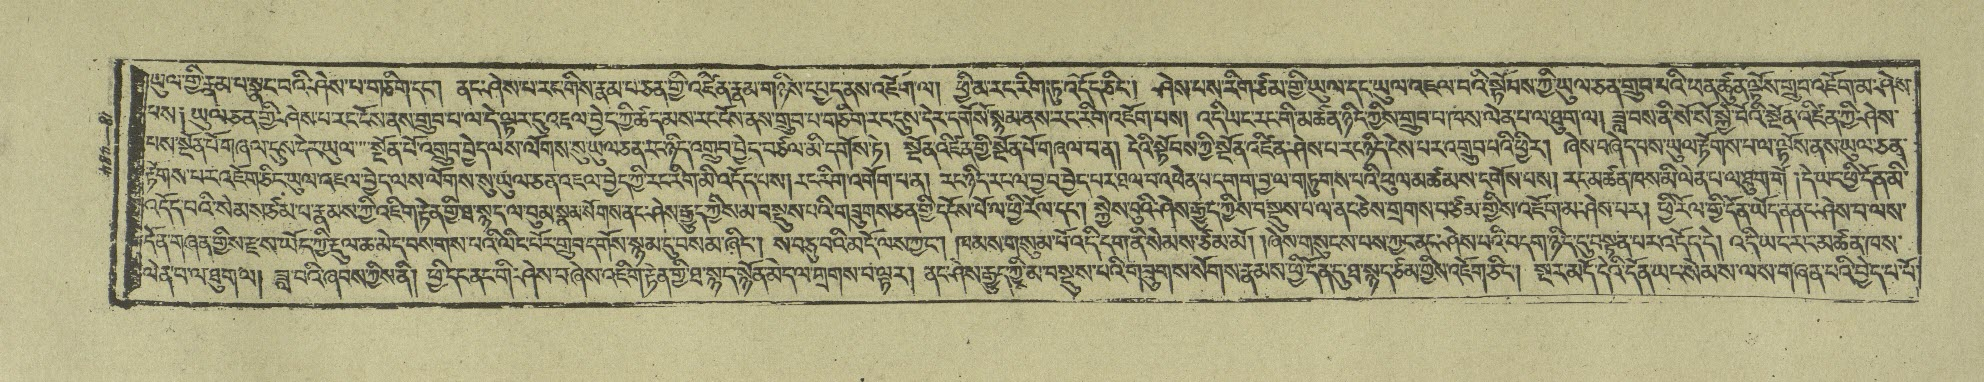ཡུལ་གྱི་རྣམ་པ་སྣང་བའི་ཤེས་པ་གཅིག་དང་། ནང་ཤེས་པ་རང་གིས་རྣམ་པ་ཅན་གྱི་འཛིན་རྣམ་གཉིས་དཔྱད་ནས་འཇོག་ལ། ཕྱི་མ་རང་རིག་ཏུ་འདོད་ཅིང་། ཤེས་པས་རིག་ཙམ་གྱི་ཡུལ་དང་ཡུལ་འཇལ་བའི་སྟོབས་ཀྱི་ཡུལ་ཅན་གྲུབ་པའི་ཕན་ཚུན་ལྟོས་གྲུབ་འཇོག་མ་ཤེས་
པས། ཡུལ་ཅན་གྱི་ཤེས་པ་རང་ངོས་ནས་གྲུབ་པ་ལ་དེ་ལྟར་དུ་འཇལ་བྱེད་ཀྱི་ཚད་མས་རང་ངོས་ནས་གྲུབ་པ་གཅིག་རང་དུས་དེར་དགོས་སོ་སྙམ་ནས་རང་རིག་འཇོག་པས། འདི་ཡང་རང་གི་མཚན་ཉིད་ཀྱིས་གྲུབ་པ་ཁས་ལེན་པ་ལ་ཐུག་ལ། ཟླ་བས་ནི་སོ་སོ་སྐྱེ་བོའི་སྔོན་འཛིན་གྱི་ཤེས་
པས་སྔོན་པོ་གཞལ་དུས་དེར་ཡུལ་སྔོན་པོ་འགྲུབ་བྱེད་ལས་ལོགས་སུ་ཡུལ་ཅན་རང་ཉིད་འགྲུབ་བྱེད་བཙལ་མི་དགོས་ཏེ། སྔོན་འཛིན་གྱི་སྔོན་པོ་གཞལ་བ་ན། དེའི་སྟོབས་ཀྱི་སྔོན་འཛིན་ཤེས་པ་རང་ཉིད་ངེས་པར་འགྲུབ་པའི་ཕྱིར། ཞེས་བཞེད་པས་ཡུལ་རྟོགས་པ་ལ་ལྟོས་ནས་ཡུལ་ཅན་
རྟོགས་པར་འཇོག་ཅིང་ཡུལ་འཇལ་བྱེད་ལས་ལོགས་སུ་ཡུལ་ཅན་འཇལ་བྱེད་ཀྱི་རང་རིག་མི་འདོད་པས། རང་རིག་འགོག་པ་ན། རང་ཉིད་རང་ལ་བྱ་བ་བྱེད་པར་ཐལ་བ་འཕེན་པ་དགག་བྱ་ལ་གཏུགས་པའི་ཕུལ་མཚམས་དགོས་པས། རང་མཚན་ཁས་མི་ལེན་པ་ལ་ཐུག་གོ །དེ་ཡང་ཕྱི་དོན་མི་
འདོད་པའི་སེམས་ཙམ་པ་རྣམས་ཀྱི་འཇིག་རྟེན་གྱི་ཐ་སྙད་ལ་བུམ་སྣམ་སོགས་ནང་ཤེས་རྒྱུད་ཀྱིས་མ་བསྡུས་པའི་གཟུགས་ཅན་གྱི་དངོས་པོ་ལ་ཕྱི་རོལ་དང་། སྐྱེས་བུའི་ཤེས་རྒྱུད་ཀྱིས་བསྡུས་པ་ལ་ནང་ཅེས་གྲགས་པ་ཙམ་གྱིས་འཇོག་མ་ཤེས་པར། ཕྱི་རོལ་གྱི་དོན་ཡོད་ན་ནང་ཤེས་པ་ལས་
དོན་གཞན་གྱིས་རྫས་ཡོད་ཀྱི་རྡུལ་ཆ་མེད་བསགས་པའི་ལིང་པོར་གྲུབ་དགོས་སྙམ་དུ་བསམ་ཞིང་། ས་བཅུ་པའི་མདོ་ལས་ཀྱང་། ཁམས་གསུམ་པོ་འདི་དག་ནི་སེམས་ཙམ་མོ། །ཞེས་གསུངས་པས་ཀྱང་ནང་ཤེས་པའི་བདག་ཉིད་དུ་བསྟན་པར་འདོད་དེ། འདི་ཡང་རང་མཚན་ཁས་
ལེན་པ་ལ་ཐུག་ལ། ཟླ་བའི་ཞབས་ཀྱིས་ནི། ཕྱི་དང་ནང་གི་ཤེས་བཞེས་འཇིག་རྟེན་གྱི་ཐ་སྙད་སྙོན་མེད་ལ་གྲགས་པ་ལྟར། ནང་ཤེས་རྒྱུད་ཀྱིས་མ་བསྡུས་པའི་གཟུགས་སོགས་རྣམས་ཕྱི་དོན་དུ་ཐ་སྙད་ཙམ་གྱིས་འཇོག་ཅིང་། སྔར་མདོ་དེའི་དོན་ཡང་སེམས་ལས་གཞན་པའི་བྱེད་པ་པོ་